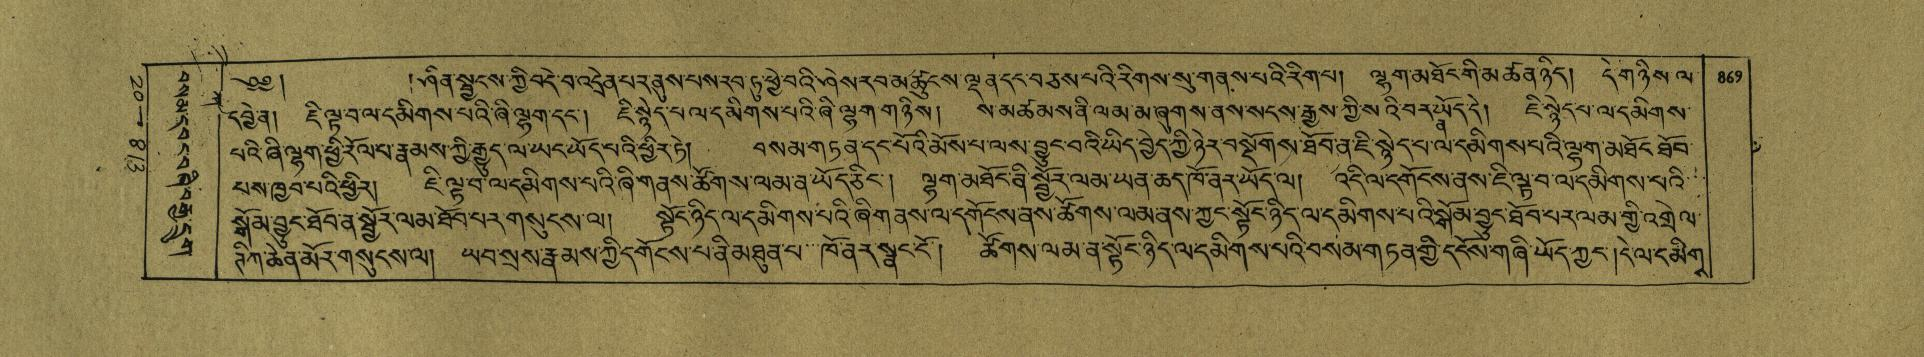༄༅། །ཤིན་སྦྱངས་ཀྱི་བདེ་བ་འདྲེན་པར་ནུས་པས་རབ་ཏུ་ཕྱེ་བའི་ཤེས་རབ་མཚུངས་ལྡན་དང་བཅས་པའི་རིགས་སུ་གནས་པའི་རིག་པ། ལྷག་མཐོང་གི་མཚན་ཉིད། དེ་གཉིས་ལ་
དབྱེ་ན། ཇི་ལྟ་བ་ལ་དམིགས་པའི་ཞི་ལྷག་དང་། ཇི་སྙེད་པ་ལ་དམིགས་པའི་ཞི་ལྷག་གཉིས། ས་མཚམས་ནི་ལམ་མ་ཞུགས་ནས་སངས་རྒྱས་ཀྱི་སའི་བར་ན་ཡོད་དེ། ཇི་སྙེད་པ་ལ་དམིགས་
པའི་ཞི་ལྷག་ཕྱི་རོལ་པ་རྣམས་ཀྱི་རྒྱུད་ལ་ཡང་ཡོད་པའི་ཕྱིར་ཏེ། བསམ་གཏན་དང་པོའི་མོས་པ་ལས་བྱུང་བའི་ཡིད་བྱེད་ཀྱི་ཉེར་བསྔོགས་ཐོབ་ན་ཇི་སྙེད་པ་ལ་དམིགས་པའི་ལྷག་མཐོང་ཐོབ་
པས་ཁྱབ་པའི་ཕྱིར། ཇི་ལྟ་བ་ལ་དམིགས་པའི་ཞི་གནས་ཚོགས་ལམ་ན་ཡོད་ཅིང་། ལྷག་མཐོང་ནི་སྦྱོར་ལམ་ཡན་ཆད་ཁོ་ནར་ཡོད་ལ། འདི་ལ་དགོངས་ནས་ཇི་ལྟ་བ་ལ་དམིགས་པའི་
སྒོམ་བྱུང་ཐོབ་ན་སྦྱོར་ལམ་ཐོབ་པར་གསུངས་ལ། སྟོང་ཉིད་ལ་དམིགས་པའི་ཞིག་གནས་ལ་དགོངས་ནས་ཚོགས་ལམ་ནས་ཀྱང་སྟོང་ཉིད་ལ་དམིགས་པའི་སྒོམ་བྱུང་ཐོབ་པར་ལམ་གྱི་འགྲེལ་
ཊིཀ་ཆེན་མོར་གསུངས་ལ། ཡབ་སྲས་རྣམས་ཀྱི་དགོངས་པ་ནི་མཐུན་པ་ཁོ་ནར་སྣང་ངོ། ཚོགས་ལམ་ན་སྟོང་ཉིད་ལ་དམིགས་པའི་བསམ་གཏན་གྱི་དངོས་གཞི་ཡོད་ཀྱང་། དེ་ལ་དམིགས་